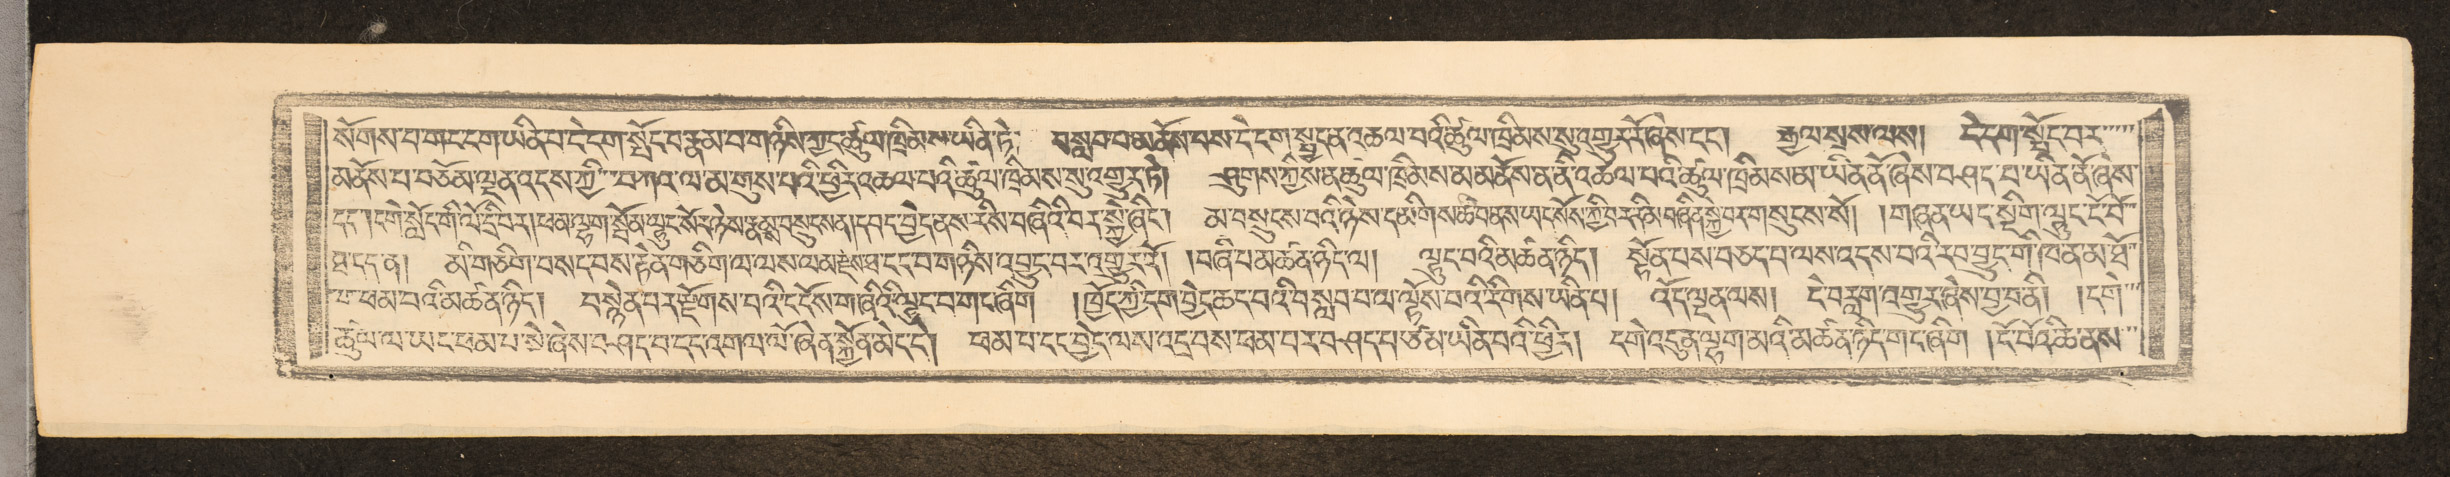སོགས་པ་གང་དག་ཡིན་པ་དེ་དག་སྤོང་བ་རྣམ་པ་གཉིས་ཀྱང་ཚུལ་ཁྲིམས་ཡིན་ཏེ། བསླབ་པ་མནོས་པས་དེ་དག་སྤྱད་ན་འཆལ་པའི་ཚུལ་ཁྲིམས་སུ་འགྱུར་རོ་ཞེས་དང་། རྒྱལ་སྲས་ལས། དེ་དག་སྤོང་བར་
མནོས་པ་བཅོམ་ལྡན་འདས་ཀྱི་བཀའ་ལ་མ་གུས་པའི་ཕྱིར་འཆལ་པའི་ཚུལ་ཁྲིམས་སུ་འགྱུར་ཏེ། ཤུགས་ཀྱིས་ན་ཚུལ་ཁྲིམས་མ་མནོས་ན་ནི་འཆལ་པའི་ཚུལ་ཁྲིམས་མ་ཡིན་ནོ་ཞེས་བཤད་པ་ཡིན་ནོ་ཞེས་
དང་། དགེ་སློང་གི་ལོ་དྲི་བར། ཕམ་ལྷག་སྦོམ་ལྟུང་སོར་ཉེས་རྣམས་བསྲུངས་ན། དབང་བྱེད་ནས་རིས་བཞིའི་བར་སྐྱེ་ཞིང་། མ་བསྲུངས་བའི་ཉེས་དམིགས་ཚ་བ་ནས་ཡང་སོས་ཀྱི་བར་རིམ་བཞིན་སྐྱེ་བར་གསུངས་སོ། །གཞན་ཡང་སྡིག་ལྟུང་ངོ་བོ་
ཐ་དད་ན། མི་གཅིག་བསད་པས་རྟེན་གཅིག་ལ་ལས་ལམ་རྫས་ཐ་དད་པ་གཉིས་འབྱུང་བར་འགྱུར་རོ། །བཞི་པ་མཚན་ཉིད་ལ། ལྟུང་བའི་མཚན་ཉིད། སྟོན་པས་བཅད་པ་ལས་འདས་པའི་རབ་བྱུང་གི་ཁ་ན་མ་ཐོ་
བ། ཕམ་པའི་མཚན་ཉིད། བསྙེན་པར་རྫོགས་པའི་དངོས་གཞིའི་ལྟུང་བ་གང་ཞིག །ཁྱོད་ཀྱི་དག་བྱེད་ཆད་པའི་བསླབ་པ་ལ་ལྟོས་པའི་རིགས་ཡིན་པ། འོད་ལྡན་ལས། དེ་བརླག་འགྱུར་ཞེས་བྱ་བ་ནི། །དགེ་
ཚུལ་ལ་ཡང་ཕམ་པ་སྟེ་ཞེས་བཤད་པ་དང་འགལ་ལོ་ཞེ་ན་སྐྱོན་མེད་དེ། ཕམ་པ་དང་བྱེད་ལས་འདྲ་བས་ཕམ་པར་བཤད་པ་ཙམ་ཡིན་པའི་ཕྱིར། དགེ་འདུན་ལྷག་མའི་མཚན་ཉིད་གང་ཞིག །ངོ་བོའི་ཆི་ནས་